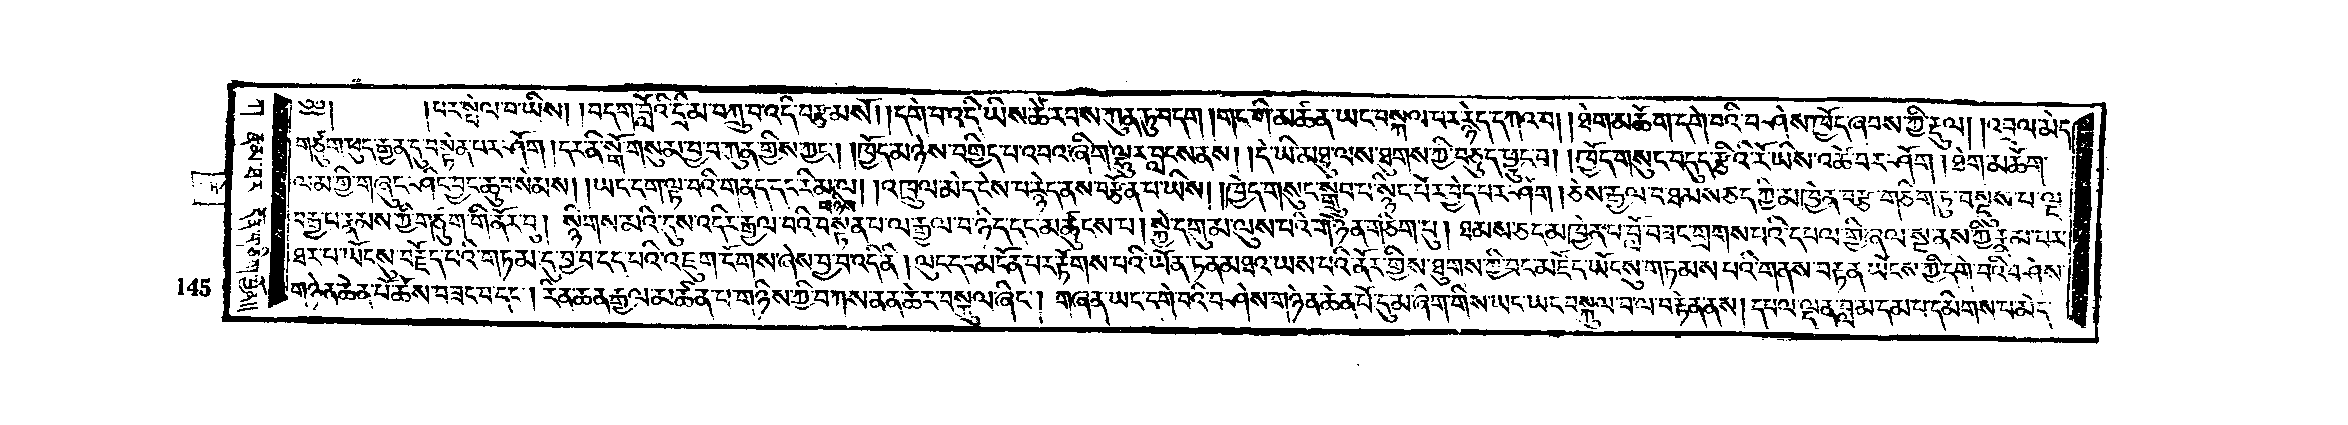༄༅། །པར་སྤེལ་བ་ཡིས། །བདག་བློའི་དྲི་མ་བཀྲུ་བ་འདི་བརྩམས་སོ། །དགེ་བ་འདི་ཡིས་ཚེ་རབས་ཀུན་ཏུ་བདག །གང་གི་མཚན་ཡང་བསྐལ་པར་རྙེད་དཀའ་བ། །ཐེག་མཆོག་དགེ་བའི་བཤེས་ཁྱོད་ཞབས་ཀྱི་རྡུལ། །འབྲལ་མེད་
གཙུག་ཕུད་རྒྱན་དུ་བསྟེན་པར་ཤོག །དར་ནི་སྒོ་གསུམ་བྱ་བ་ཀུན་གྱིས་ཀྱང་། །ཁྱོད་མཉེས་བགྱིད་པ་འབའ་ཞིག་ལྷུར་བླངས་ནས། །དེ་ཡི་མཐུ་ལས་ཐུགས་ཀྱི་བཅུད་ཕྱུང་བ། །ཁྱོད་གསུང་བདུད་རྩིའི་རོ་ཡིས་འཚེ་བར་ཤོག །ཐེག་མཆོག་
ལམ་གྱི་གཞུང་ཤིང་བྱང་ཆུབ་སེམས། །ཡང་དག་ལྟ་བའི་གནད་དང་རིམ་གཉིས་ལ། །འཁྲུལ་མེད་ངེས་པ་རྙེད་ནས་བརྩོན་པ་ཡིས། །ཁྱེད་གསུང་སྒྲུབ་པ་སྙིང་པོར་བྱེད་པར་ཤོག །ཅེས་རྒྱལ་བ་ཐམས་ཅད་ཀྱི་མཁྱེན་བརྩ་གཅིག་ཏུ་བསྡུས་པ་ལྔ་
བརྒྱ་པ་རྣམས་ཀྱི་གཙུག་གི་ནོར་བུ། སྙིགས་མའི་དུས་འདིར་རྒྱལ་བའི་བསྟན་པ་ལ་རྒྱལ་བ་ཉིད་དང་མཚུངས་པ། སྐྱེ་དགུ་མ་ལུས་པའི་གཉེན་གཅིག་པུ། ཐམས་ཅད་མཁྱེན་པ་བློ་བཟང་གྲགས་པའི་དཔལ་གྱི་ཞལ་སྔ་ནས་ཀྱི་རྣམ་པར་
ཐར་པ་ཡོངས་སུ་བརྗོད་པའི་གཏམ་དུ་བྱ་བ་དད་པའི་འཇུག་དོགས་ཞེས་བྱ་བ་འདི་ནི། ལུང་དང་མངོན་པར་རྟོགས་པའི་ཡོན་ཏན་མཐའ་ཡས་པའི་ནོར་གྱིས་ཐུགས་ཀྱི་བང་མཛོད་ཡོངས་སུ་གཏམས་པའི་གནས་བརྟན་ཡོངས་ཀྱི་དགེ་བའི་བཤེས་
གཉེན་ཆེན་པོ་ཆོས་བཟང་བ་དང་། རིན་ཆེན་རྒྱལ་མཚན་པ་གཉིས་ཀྱི་བཀས་ནན་ཆེར་བསྐུལ་ཞིང་། གཞན་ཡང་དགེ་བའི་བཤེས་གཉེན་ཆེན་པོ་དུ་མ་ཞིག་གིས་ཡང་ཡང་བསྐུལ་བ་ལ་བརྟེན་ནས། དཔལ་ལྡན་བླ་མ་དམ་པ་དམིགས་པ་མེད་